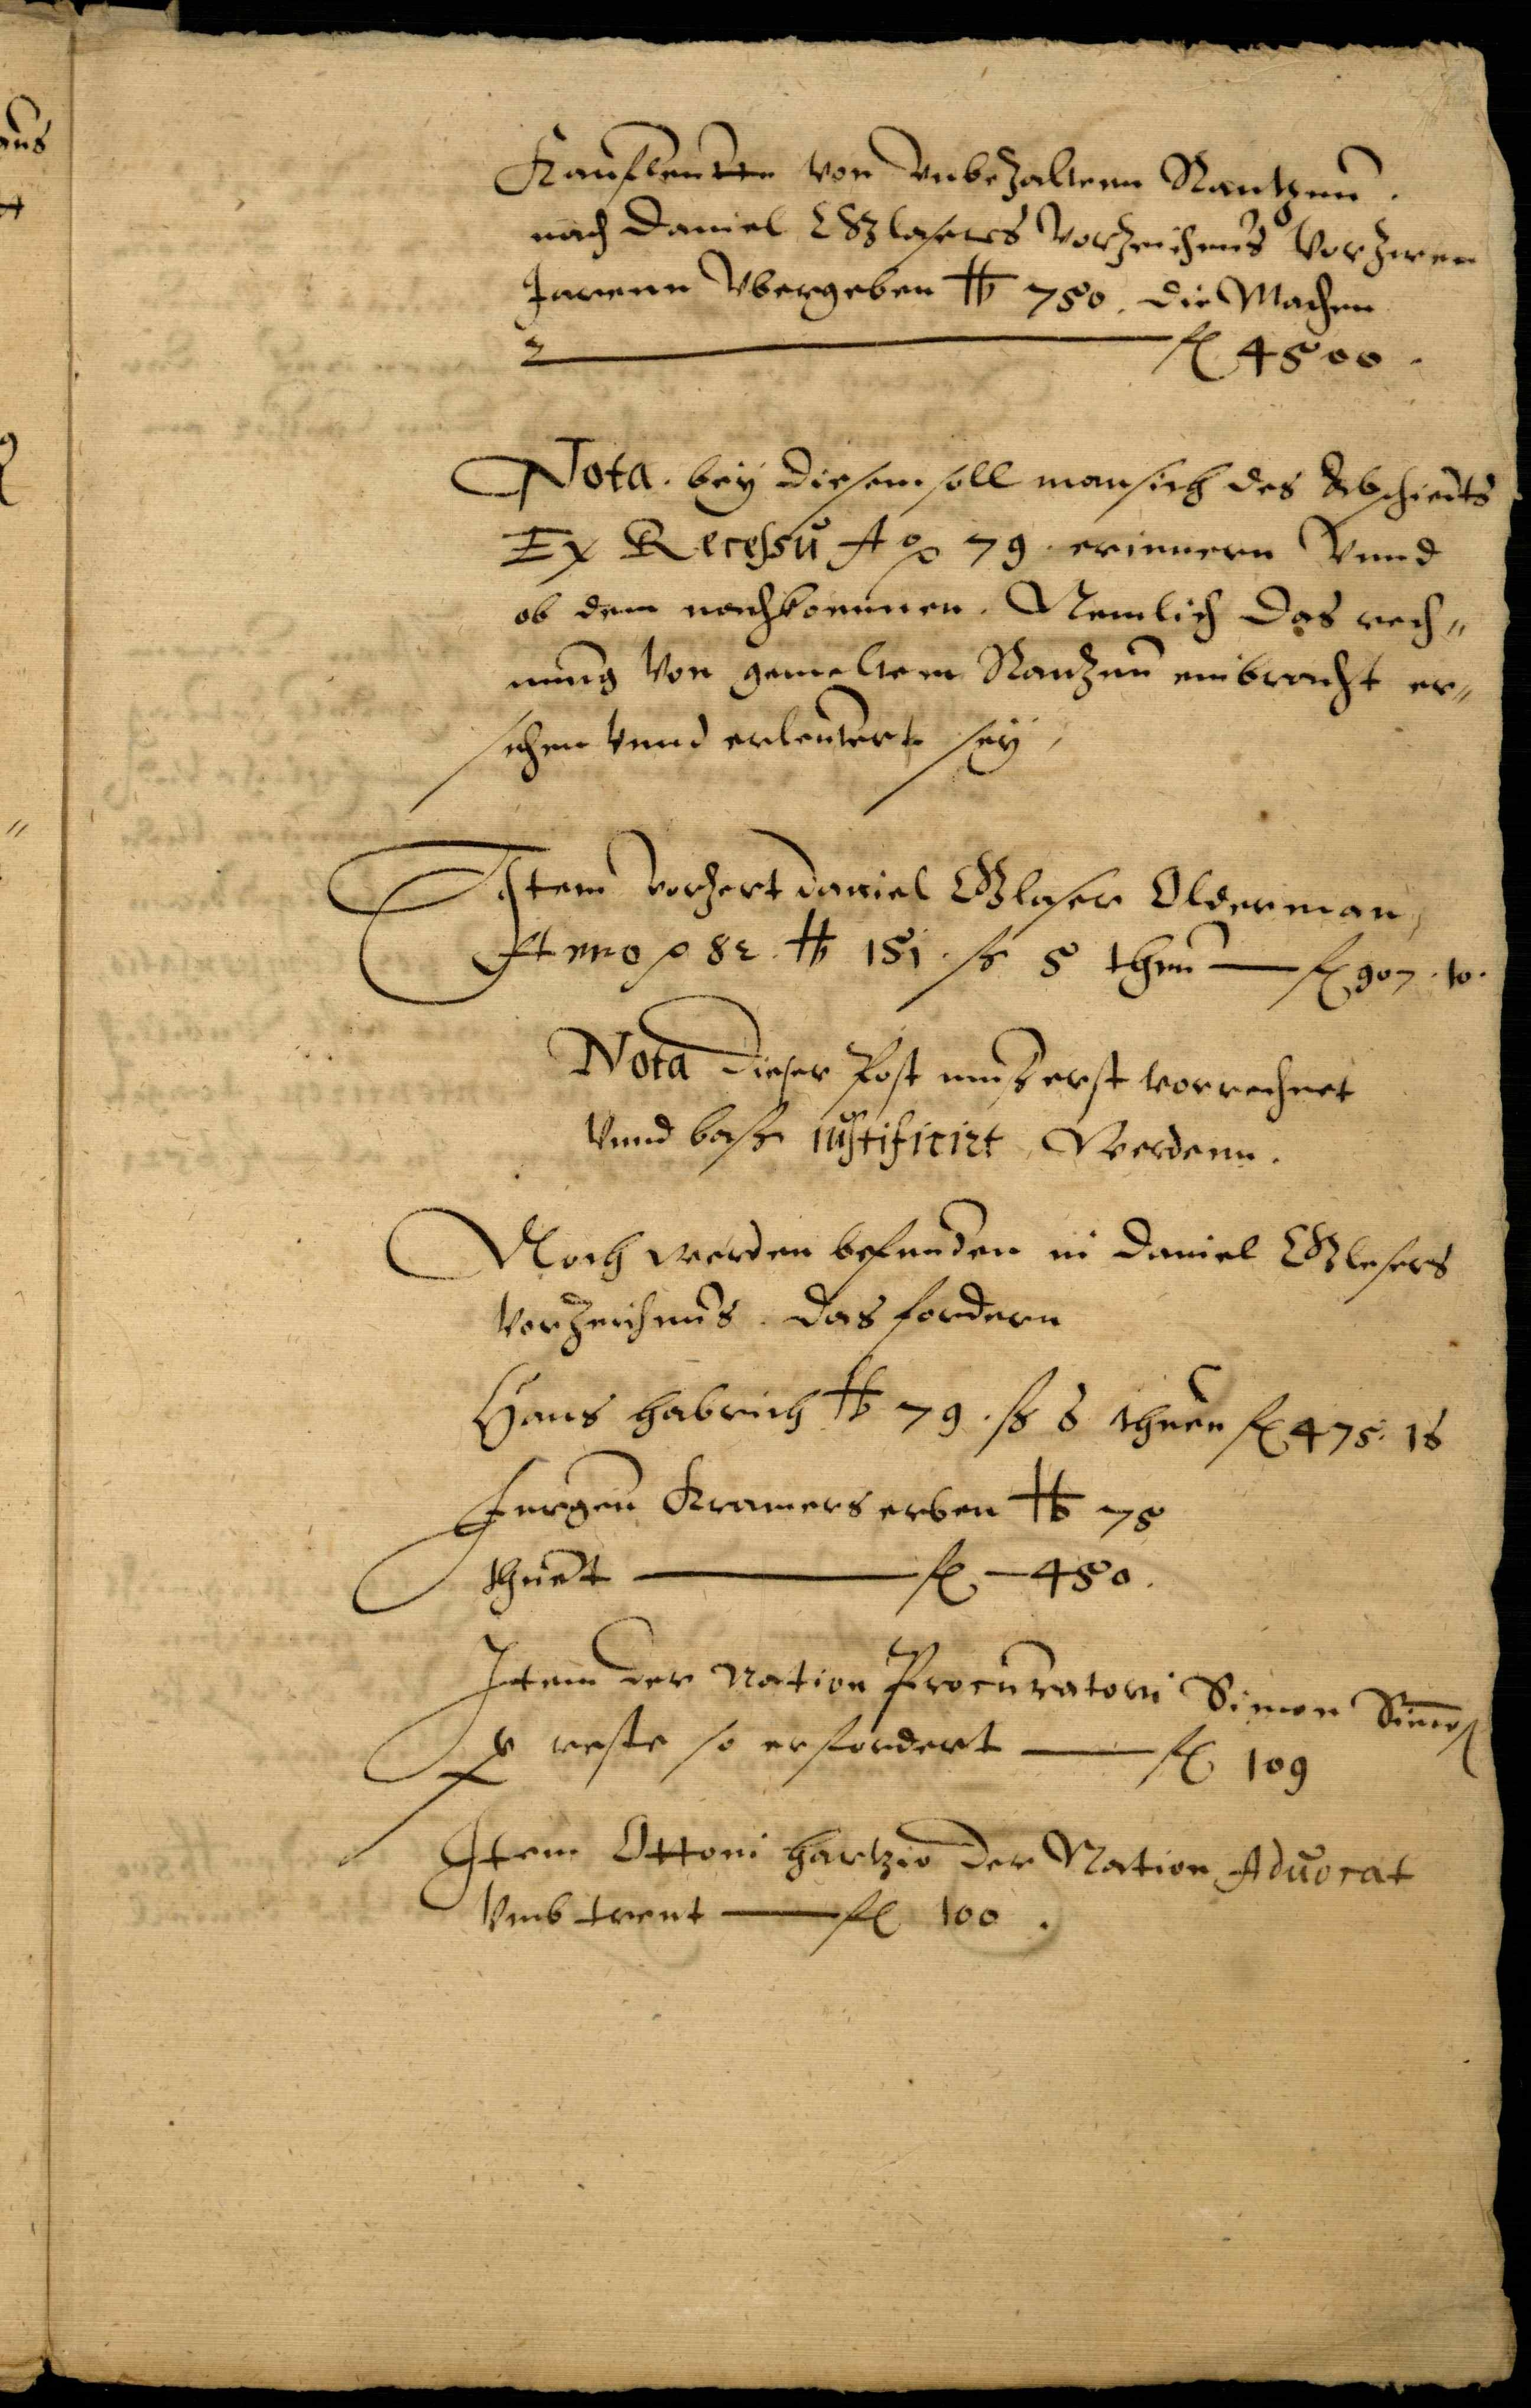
Kaufleutte von vnbezaltenn Rantzun.
nach Daniel Glasers Vorzeichnus vor zwen
Jarenn vbergeben lb 750, die Machen
- fl 4500.
Nota. beij diesem soll man sich des Abschiedts
Ex Recessu Ao p 79 erinnern vnnd
ob dem nachkommen. Nemlich das rech¬
nung von gemeltem Ranzun einbracht er¬
sehen vnnd erleutert seij.
Item vorzert Daniel Glaser Olderman,
Anno p 82 lb 151. ß 5 thun - fl 907.10.
Nota dieser Post muß erst vorrechnet
vnnd baß iustificirt werdenn.
Noch werden befunden in Daniel Glasers
Vorzeichnus, das fordern
Hans Habrich lb 79. ß 6 thuen fl 475.16
Jurgen Kramers erben lb 75
thuet - fl - 450.
Item der Nation Procuratori Simon Sieueß
per reste so erfordert - fl 109
Item Ottoni Hartzio der Nation Aduocat
vmb trent - fl 100.
